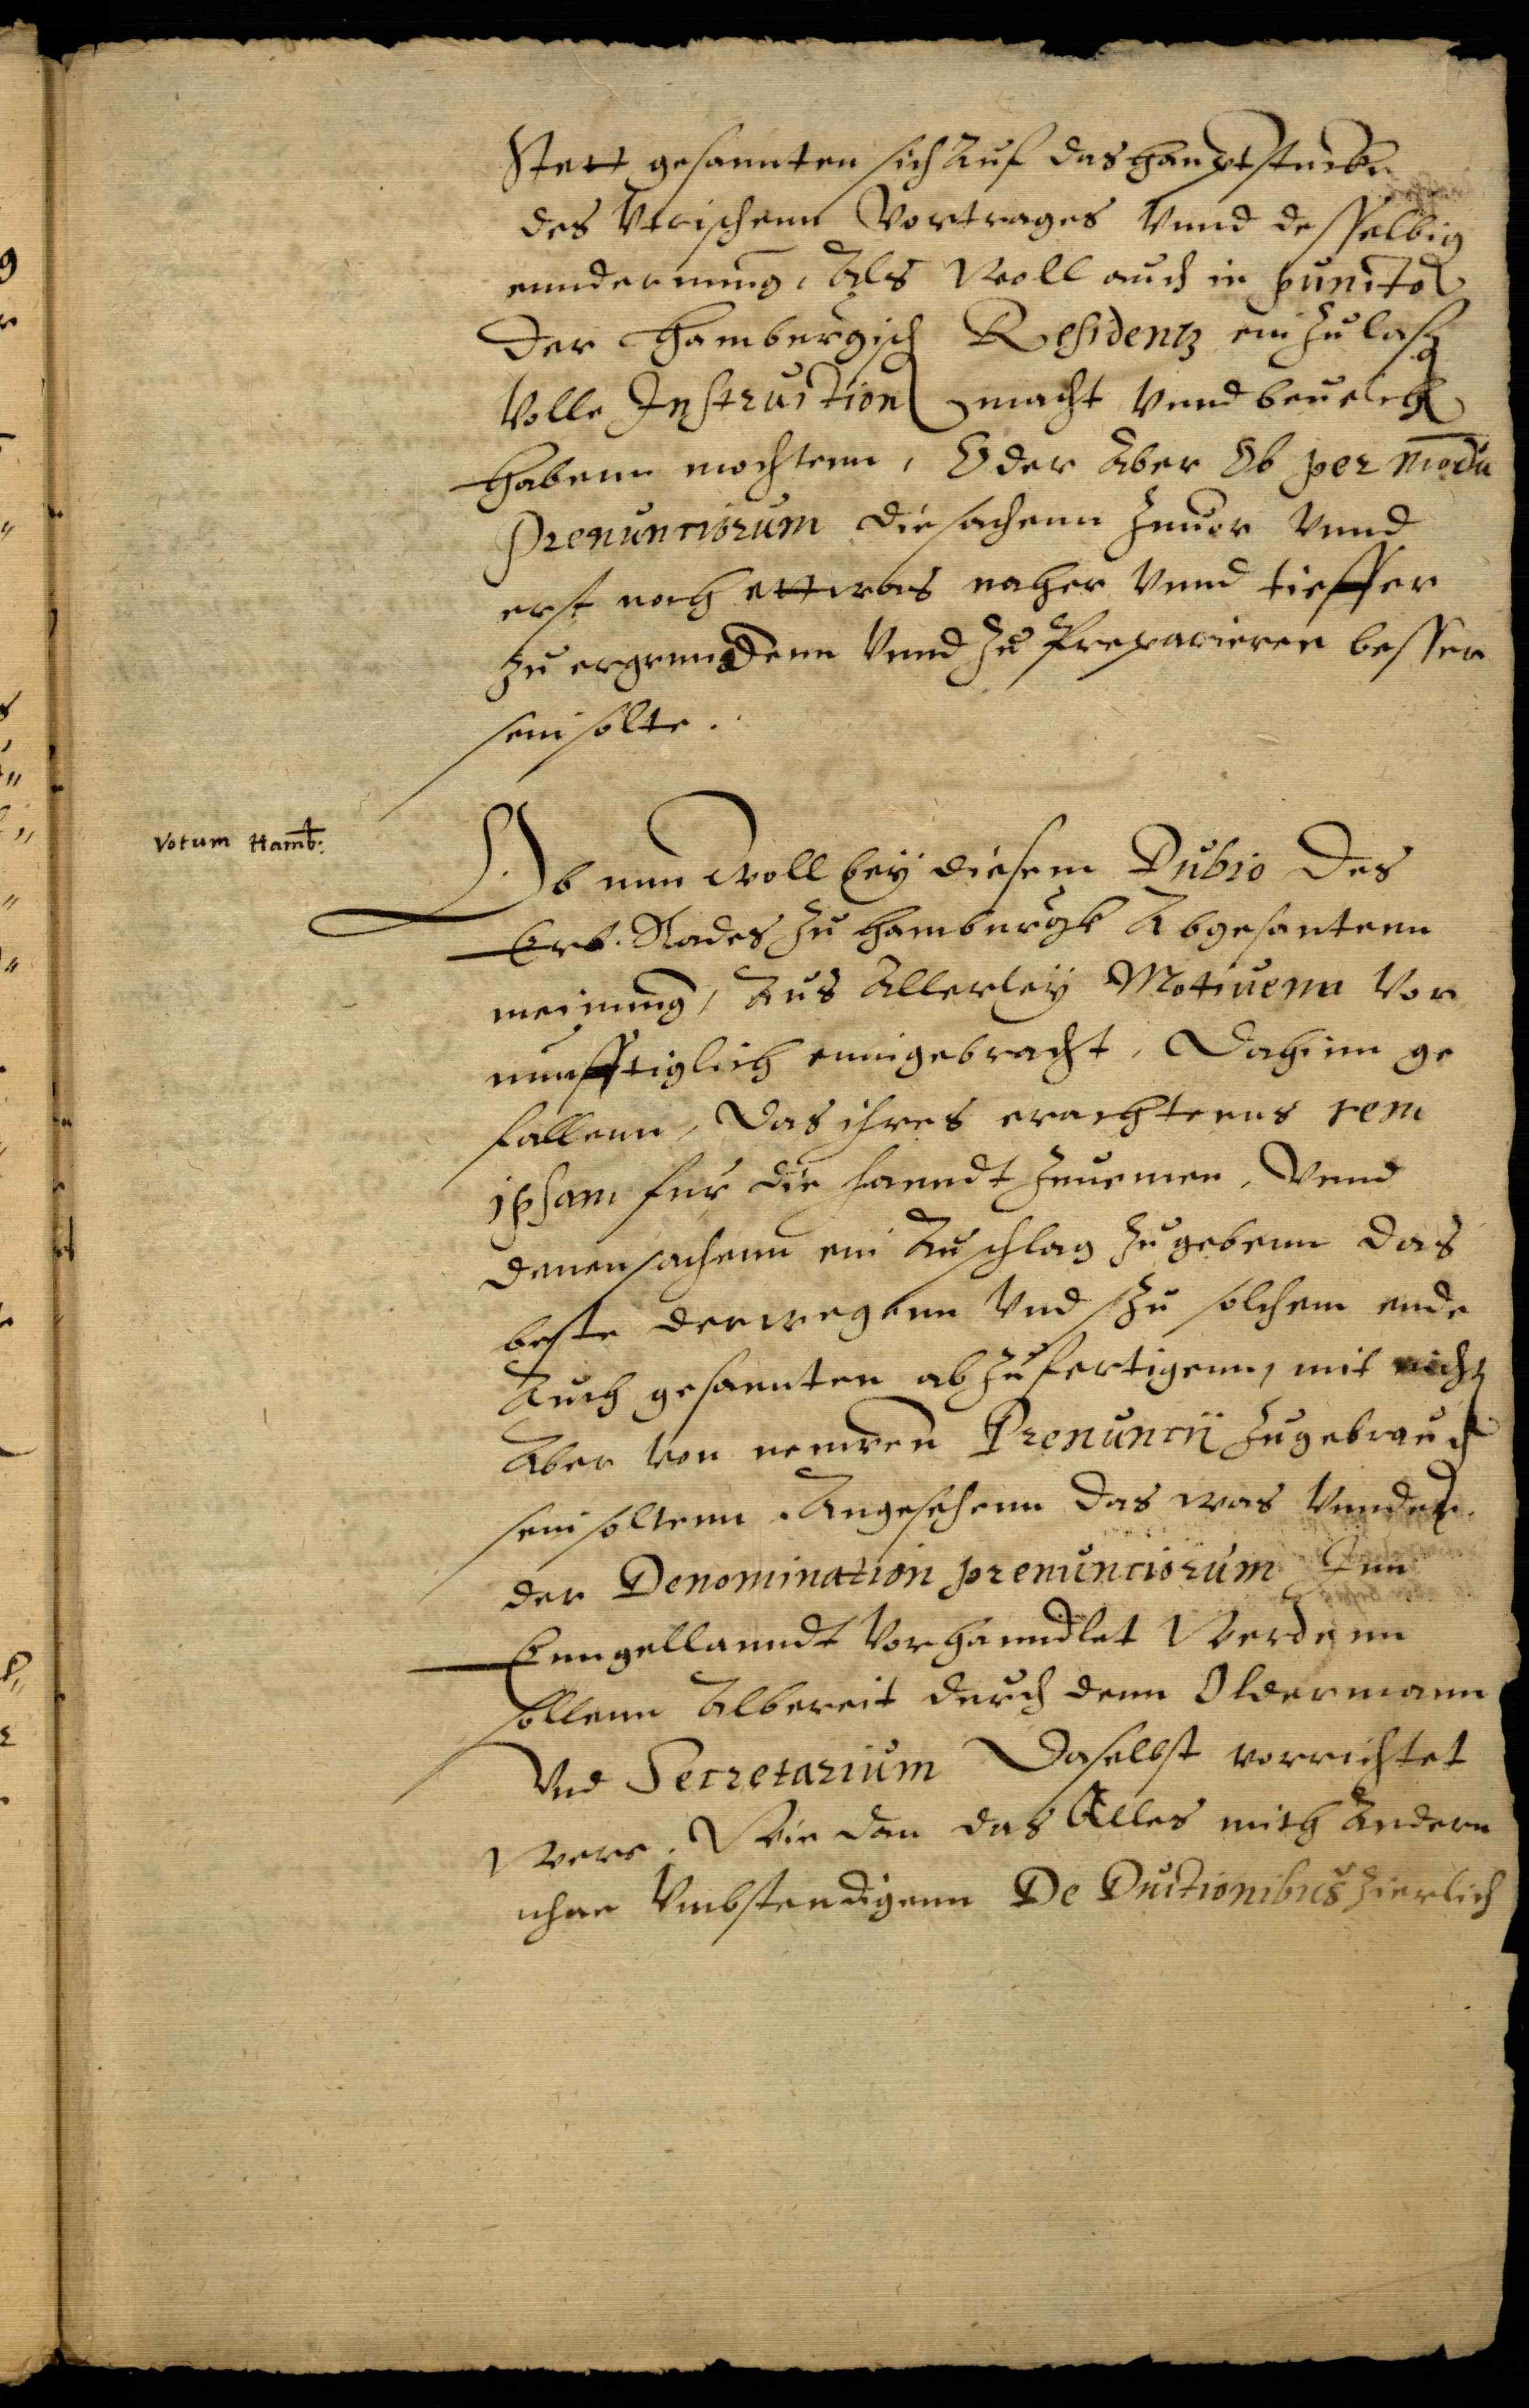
Stett gesannten sich Auf das Hauptstucke
des Vtrischenn Vortrages Vnnd desselbigen
ennderrung, Als Woll auch in puncto
der Hamburgischen Residentz ein zu laßen
Volle Instruction macht vnnd beuelch
Habenn mochtenn, Oder Aber Ob per modum
Prenunciorum die sachenn zuuor vnnd
erst noch ettwas nahrer vnnd tieffer
zu ergrundenn Vnnd zu Preparieren besser
sein solte.
votum Hamb.
Ob nun woll beij diesem Dubio des
Erb: Rades zu Hamburgk Abgesandtenn
meinung, Aus Allerleij Motiuenn vor
nunfftiglich einngebracht, Dahinn ge
fallenn, das ihres erachtenns rem
ipsam fur die hanndt zu nemen, Vnnd
denen sachenn ein Auschlag zu gebenn das
beste derwegenn Vnd zu solchem ende
Auch gesannten abzufertigenn, mit nichten
Aber von neuwen Prenuncii zu gebrauchen
sein soltenn, Angesehenn das was Vnnder
der Denomination prenunciorum Inn
Enngellanndt Vorhandlet Werdenn
sollenn Albereit durch denn Oldermann
Vnd Secretarium Daselbst vorrichtet
Were, Wie dan das Alles mith Andern
eher Vmbstendigenn De Ductionibus zierlich
